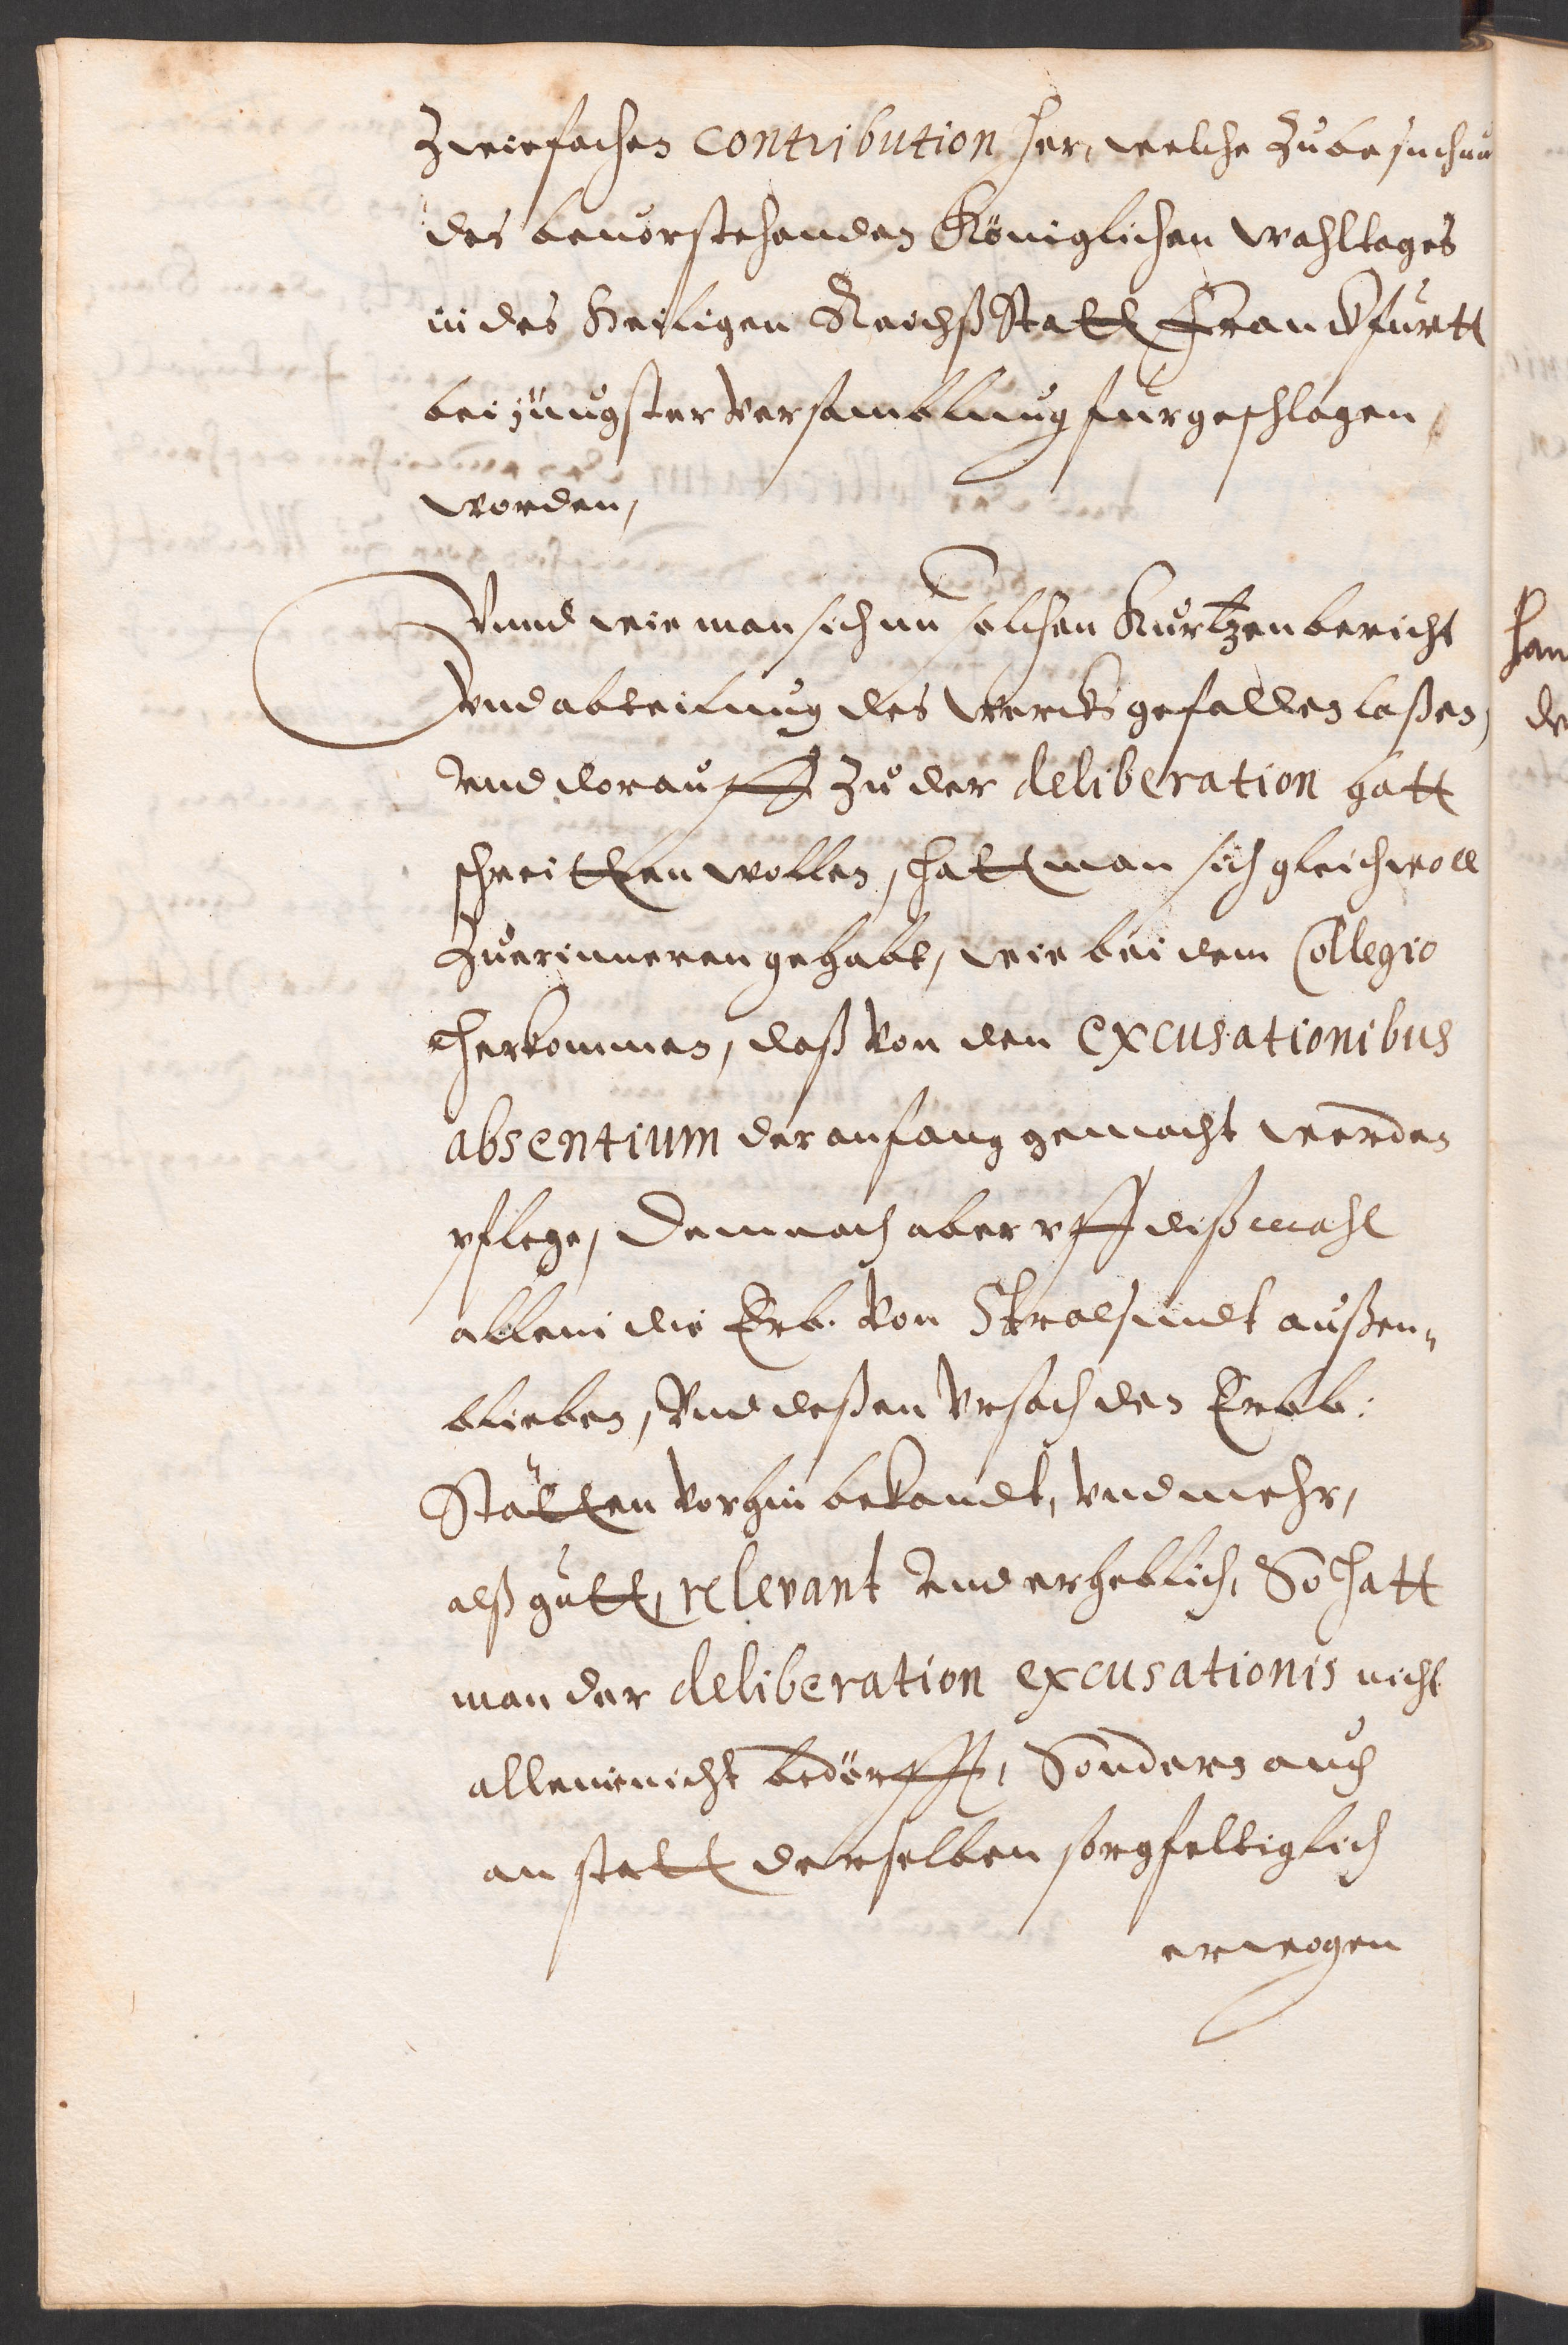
zwiefachen contribution her, welche zubesuchun
des beuorstehenden Königlichen wahltages
in des heiligen Reichß Statt Franckfurtt
bei jüngster versamblung furgeschlagen
worden,
Vnnd wie man sich nu solchen kurtzen bericht
vnd abteilung des wercks gefallen laßen,
vnd dorauff zu der deliberation hatt
schreitten wollen, hatt man sich gleichwoll
zuerinneren gehabt, wie bei dem Collegio
herkommen, daß von den excusationibus
absentium der anfang gemacht werden
pflege, demnach aber vff diß mahl
allein die Erb. von Stralsundt außen¬
blieben, vnd desen vrsach den Erbb:
Stätten vorhin bekandt, vnd mehr,
alß gutt, relevant vnd erheblich, So hatt
man der deliberation excusationis nicht
alleine nicht bedörfft, Sondern auch
an statt derselben sorgfeltiglich
erwogen
